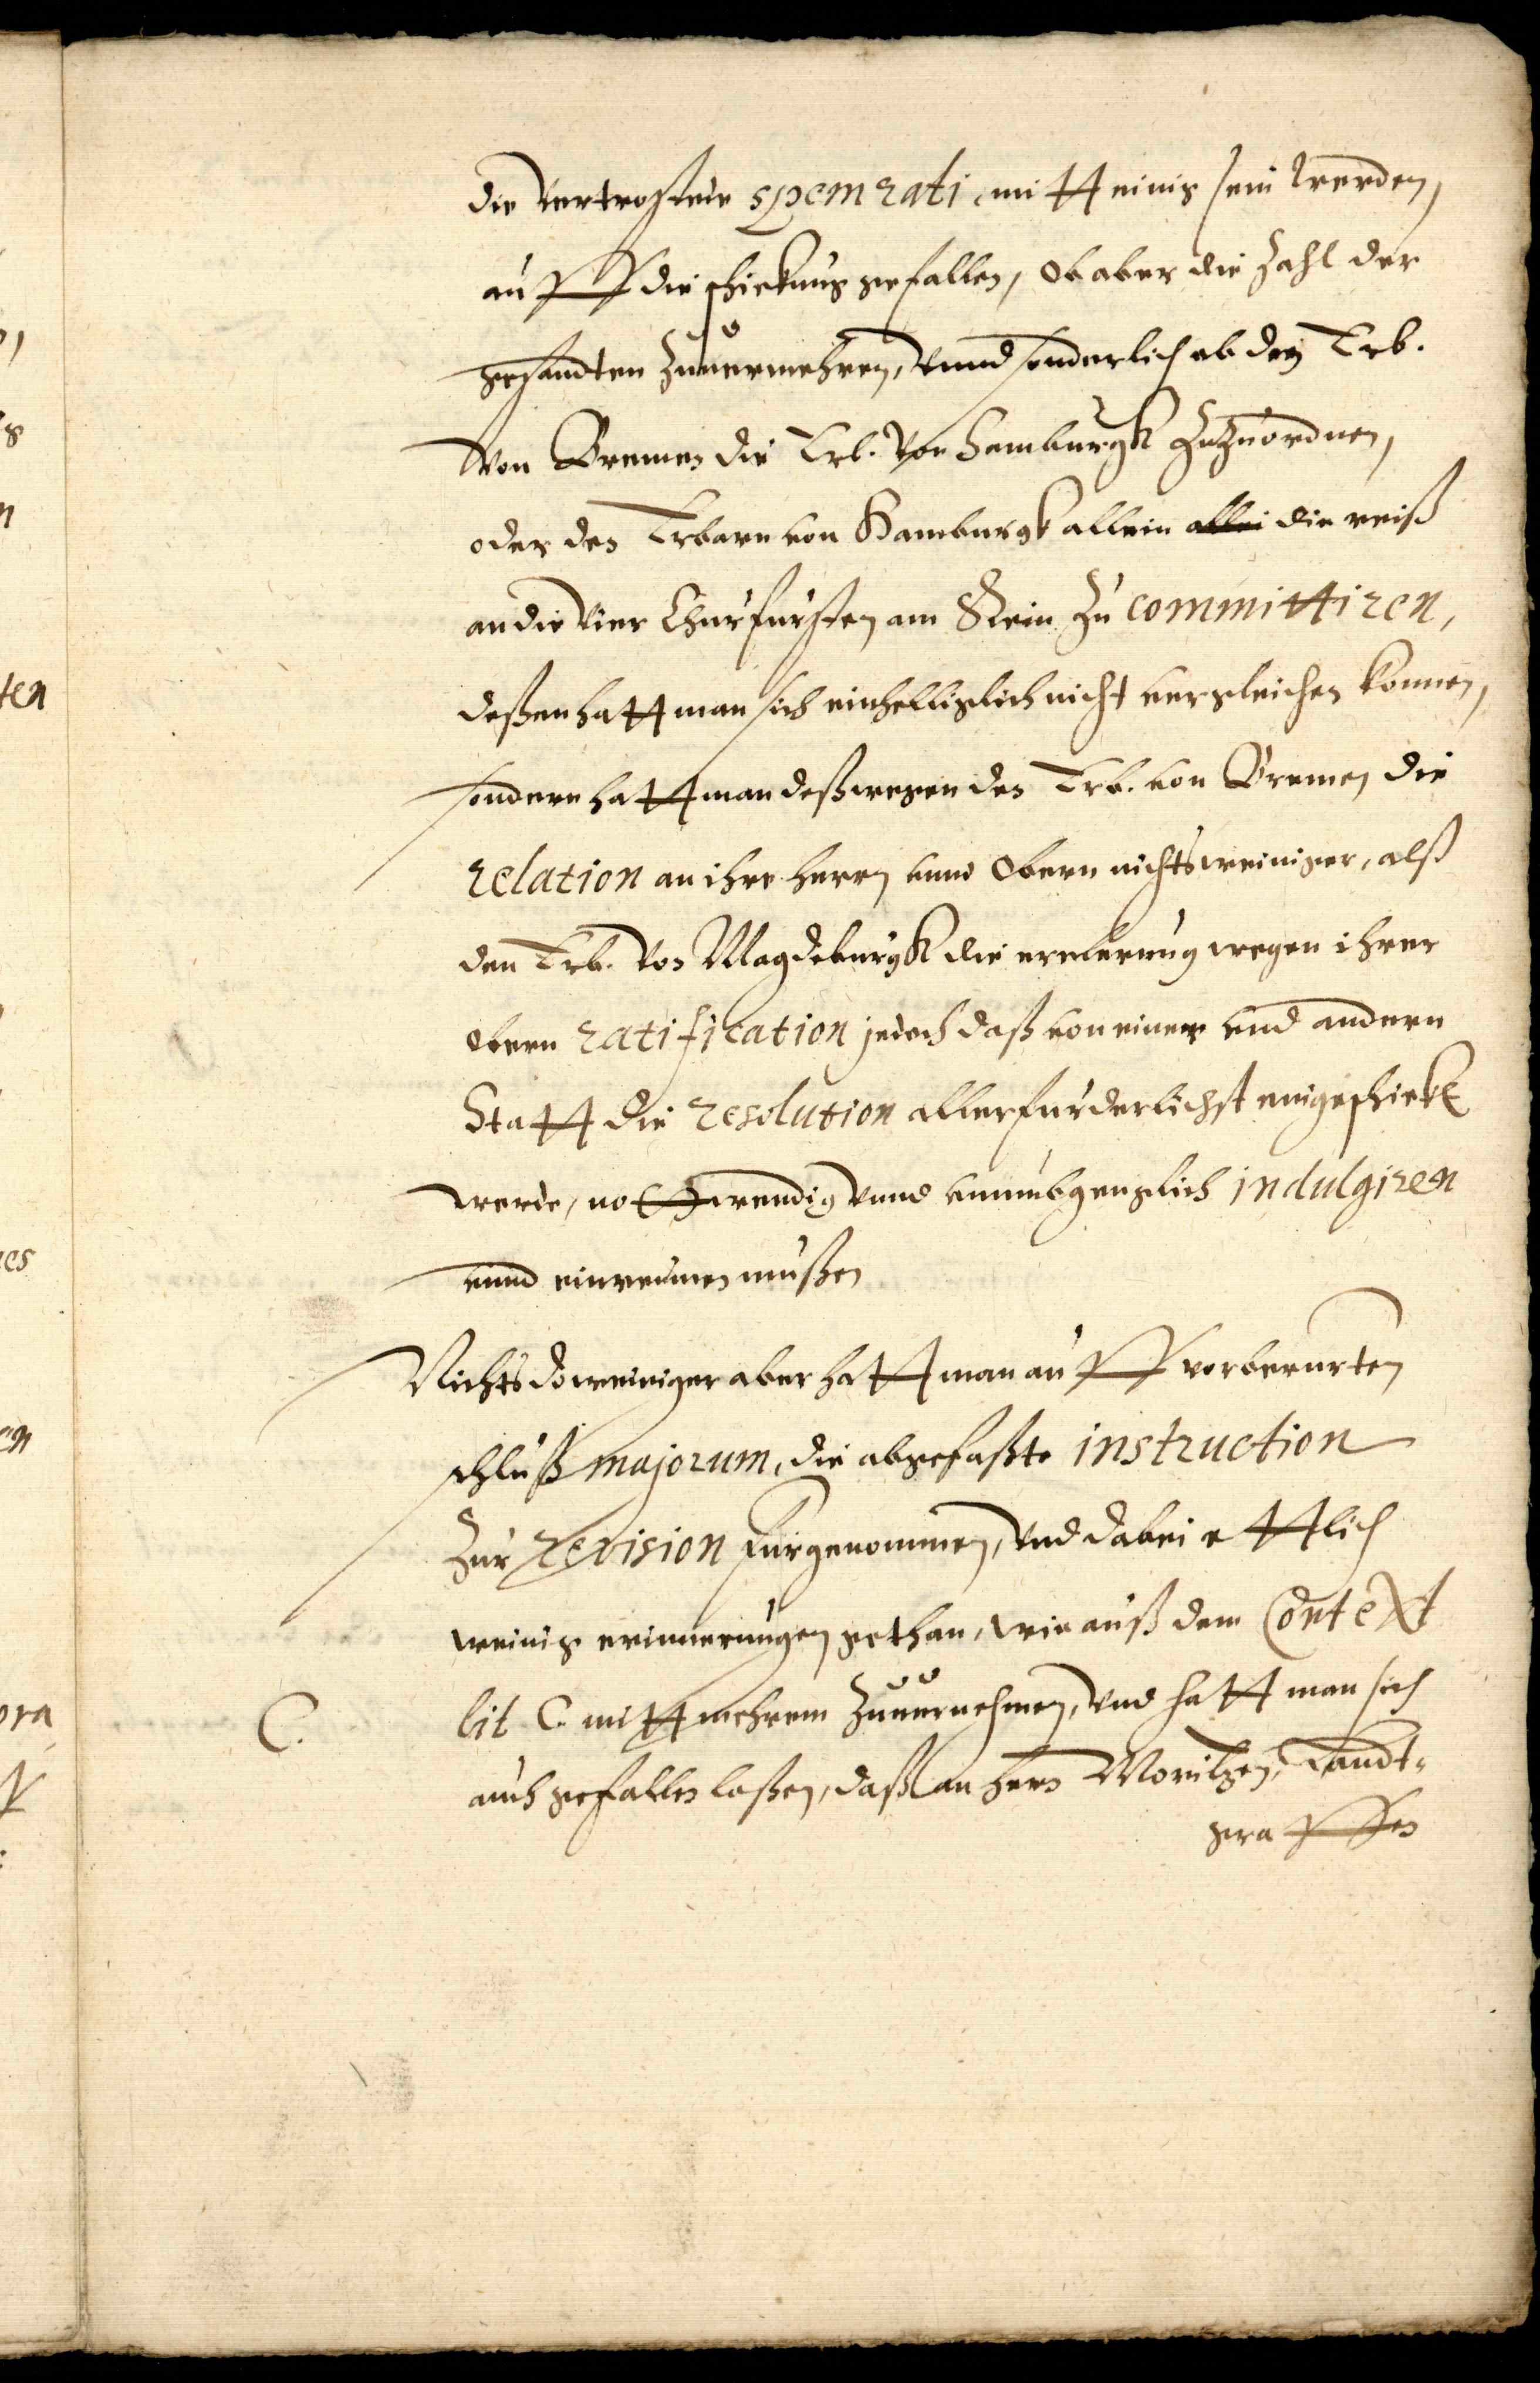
die Vertrostede spem rati, mitt einig sein werden,
auff die schickung gefallen, ob aber die zahl der
gesandten zuuermehren, vnnd sonderlich ob den Erb.
von Bremen die Erb. von hamburgk zuzuordnen,
oder den Erbarn von Hamburgk allein allei die reiß
an die vier Churfursten am Rein zu committiren,
deßen hatt man sich einhelliglich nicht vergleichen konnen,
sondern hatt man deßwegen den Erb. von Bremen die
relation an ihre herrrn vnd obern nichts weiniger, alß
den Erb. von Magdeburgk die erclerung wegen ihrer
obern ratification jedoch daß von einem vnd andern
Statt die resolution alllerfurderlichst eingeschickt
werde, nottwendig vnnd vnumbgenglich indulgiren
vnnd einreumen mußen
Nichts do weiniger aber hatt man auff vorberurten
schluß majorum, die abgefaßte instruction
zur revision fürgenommen, vnd dabei ettlich
weinig erinnerungen gethan, wie auß dem Context
lit C. mitt mehrem zuuernehmen, vnd hatt man sich
auch gefahlen laßen, daß an hern Moritzen, Landt¬
graffen
C.
